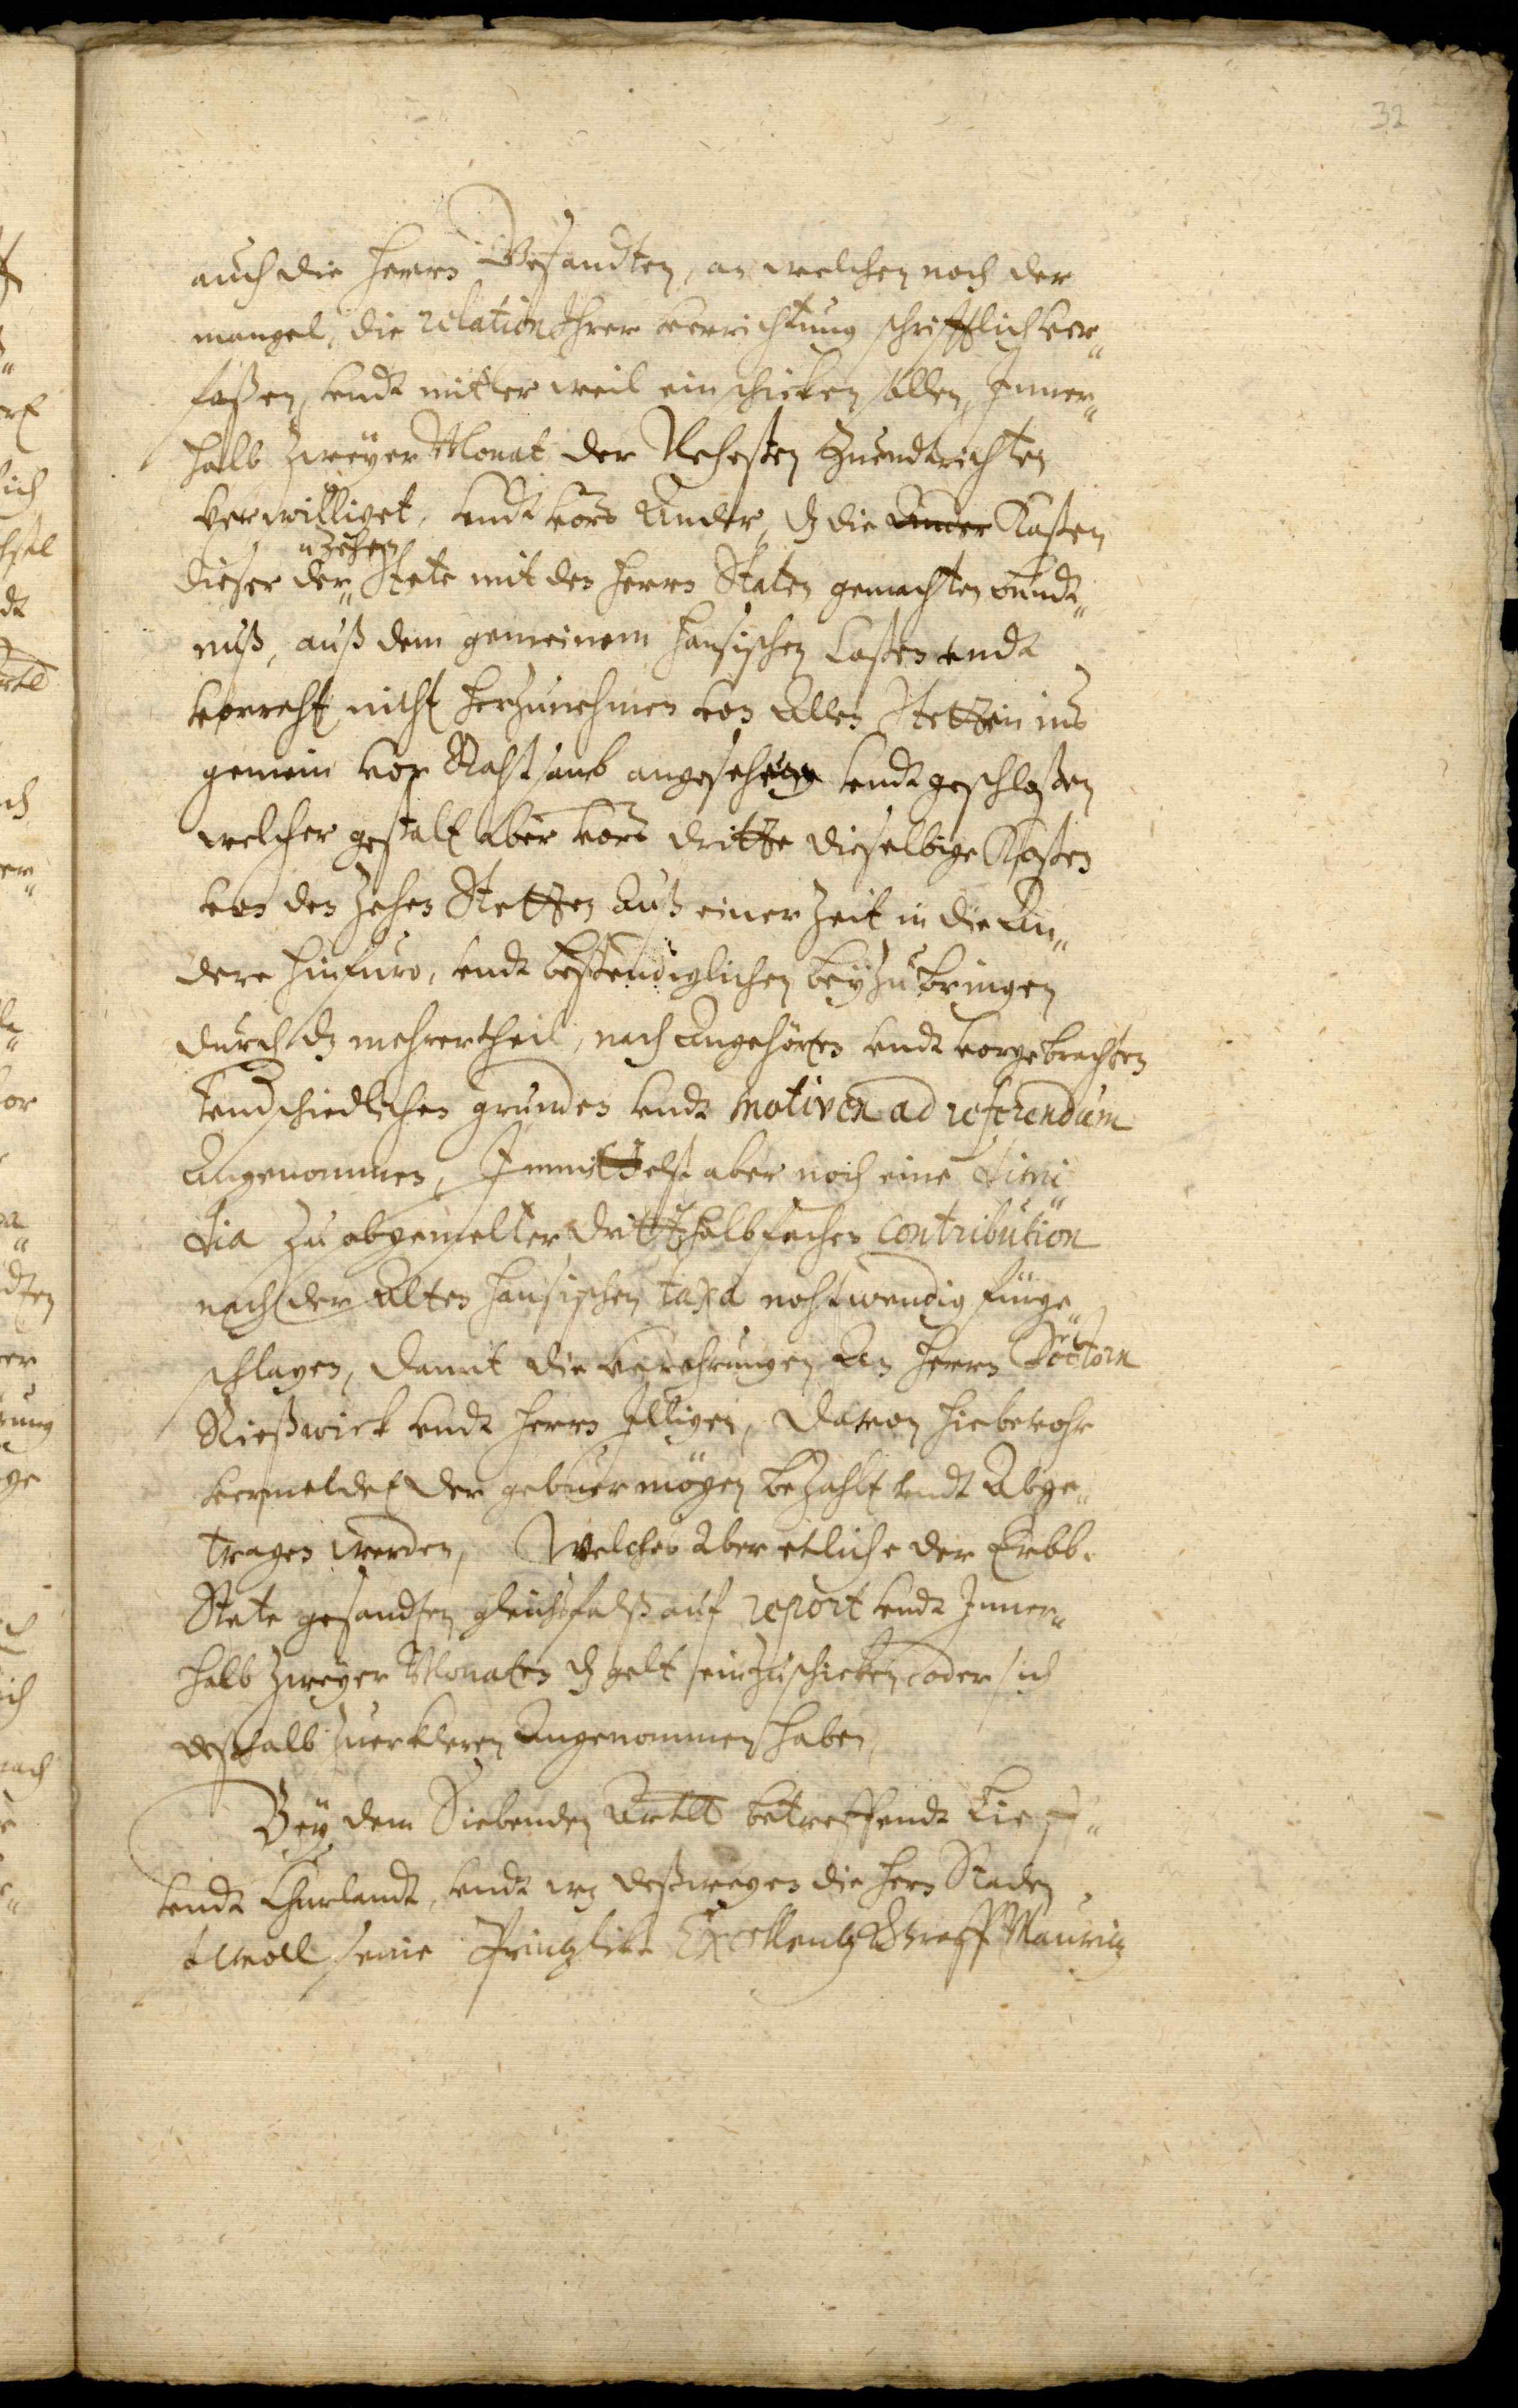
auch die herrn Gesandten, an welchen noch der
mangel, die relation Ihrer verrichtung schrifftlich ver¬
faßen, vndt mitler weil einschicken sollen, Inner¬
halb zweijer Monat der Nehesten zu endtrichten
verwilliget, vndt vors ander, den die ander Kosten
* Zehen
dieser der * Stete mit den herrn Staten gemachten bundt¬
nuß, auß dem gemeinem hansischen Casten vndt
vorreht nicht herzunehmen von allen Stetten ins
gemein vor Rahtsamb angesehen vndt geschloßen
welcher gestalt aber vors dritte dieselbige Kosten
von den zehen Stetten auß einer zeit in die an¬
dere hinfuro, vndt bestendiglichen beij zu bringen
durch den mehrer theil, nach angehörten vndt vorgebrachten
vnderschiedlichen grunden vndt motiven ad referendum
Angenommen, Immittelst aber noch eine dimi¬
dia Zu abgemelter dritthalbfachen contribution
nach der alten hansischen taxa nohtwendig fürge¬
schlagen, damit die verehrungen an herrn Doctorn
Rießwick vndt herrn Illigen, davon hiebevohr
vermeldet der gebuer mögen beZahlt vndt Abge¬
tragen werden, Welches aber etliche der Erbb.
Stete gesandten gleichsfalß auf report vndt Inner¬
halb zweijer Monaten den gelt einzuschicken, oder sich
deßhalb Zuerkleren Angenommen haben,
Beij dem Siebenden Artll betreffendt Lieff¬
vndt Churlandt, vndt wen deßwegen die hern Staden
sowoll seine Printzliche Excellentz Graff Mauritz
